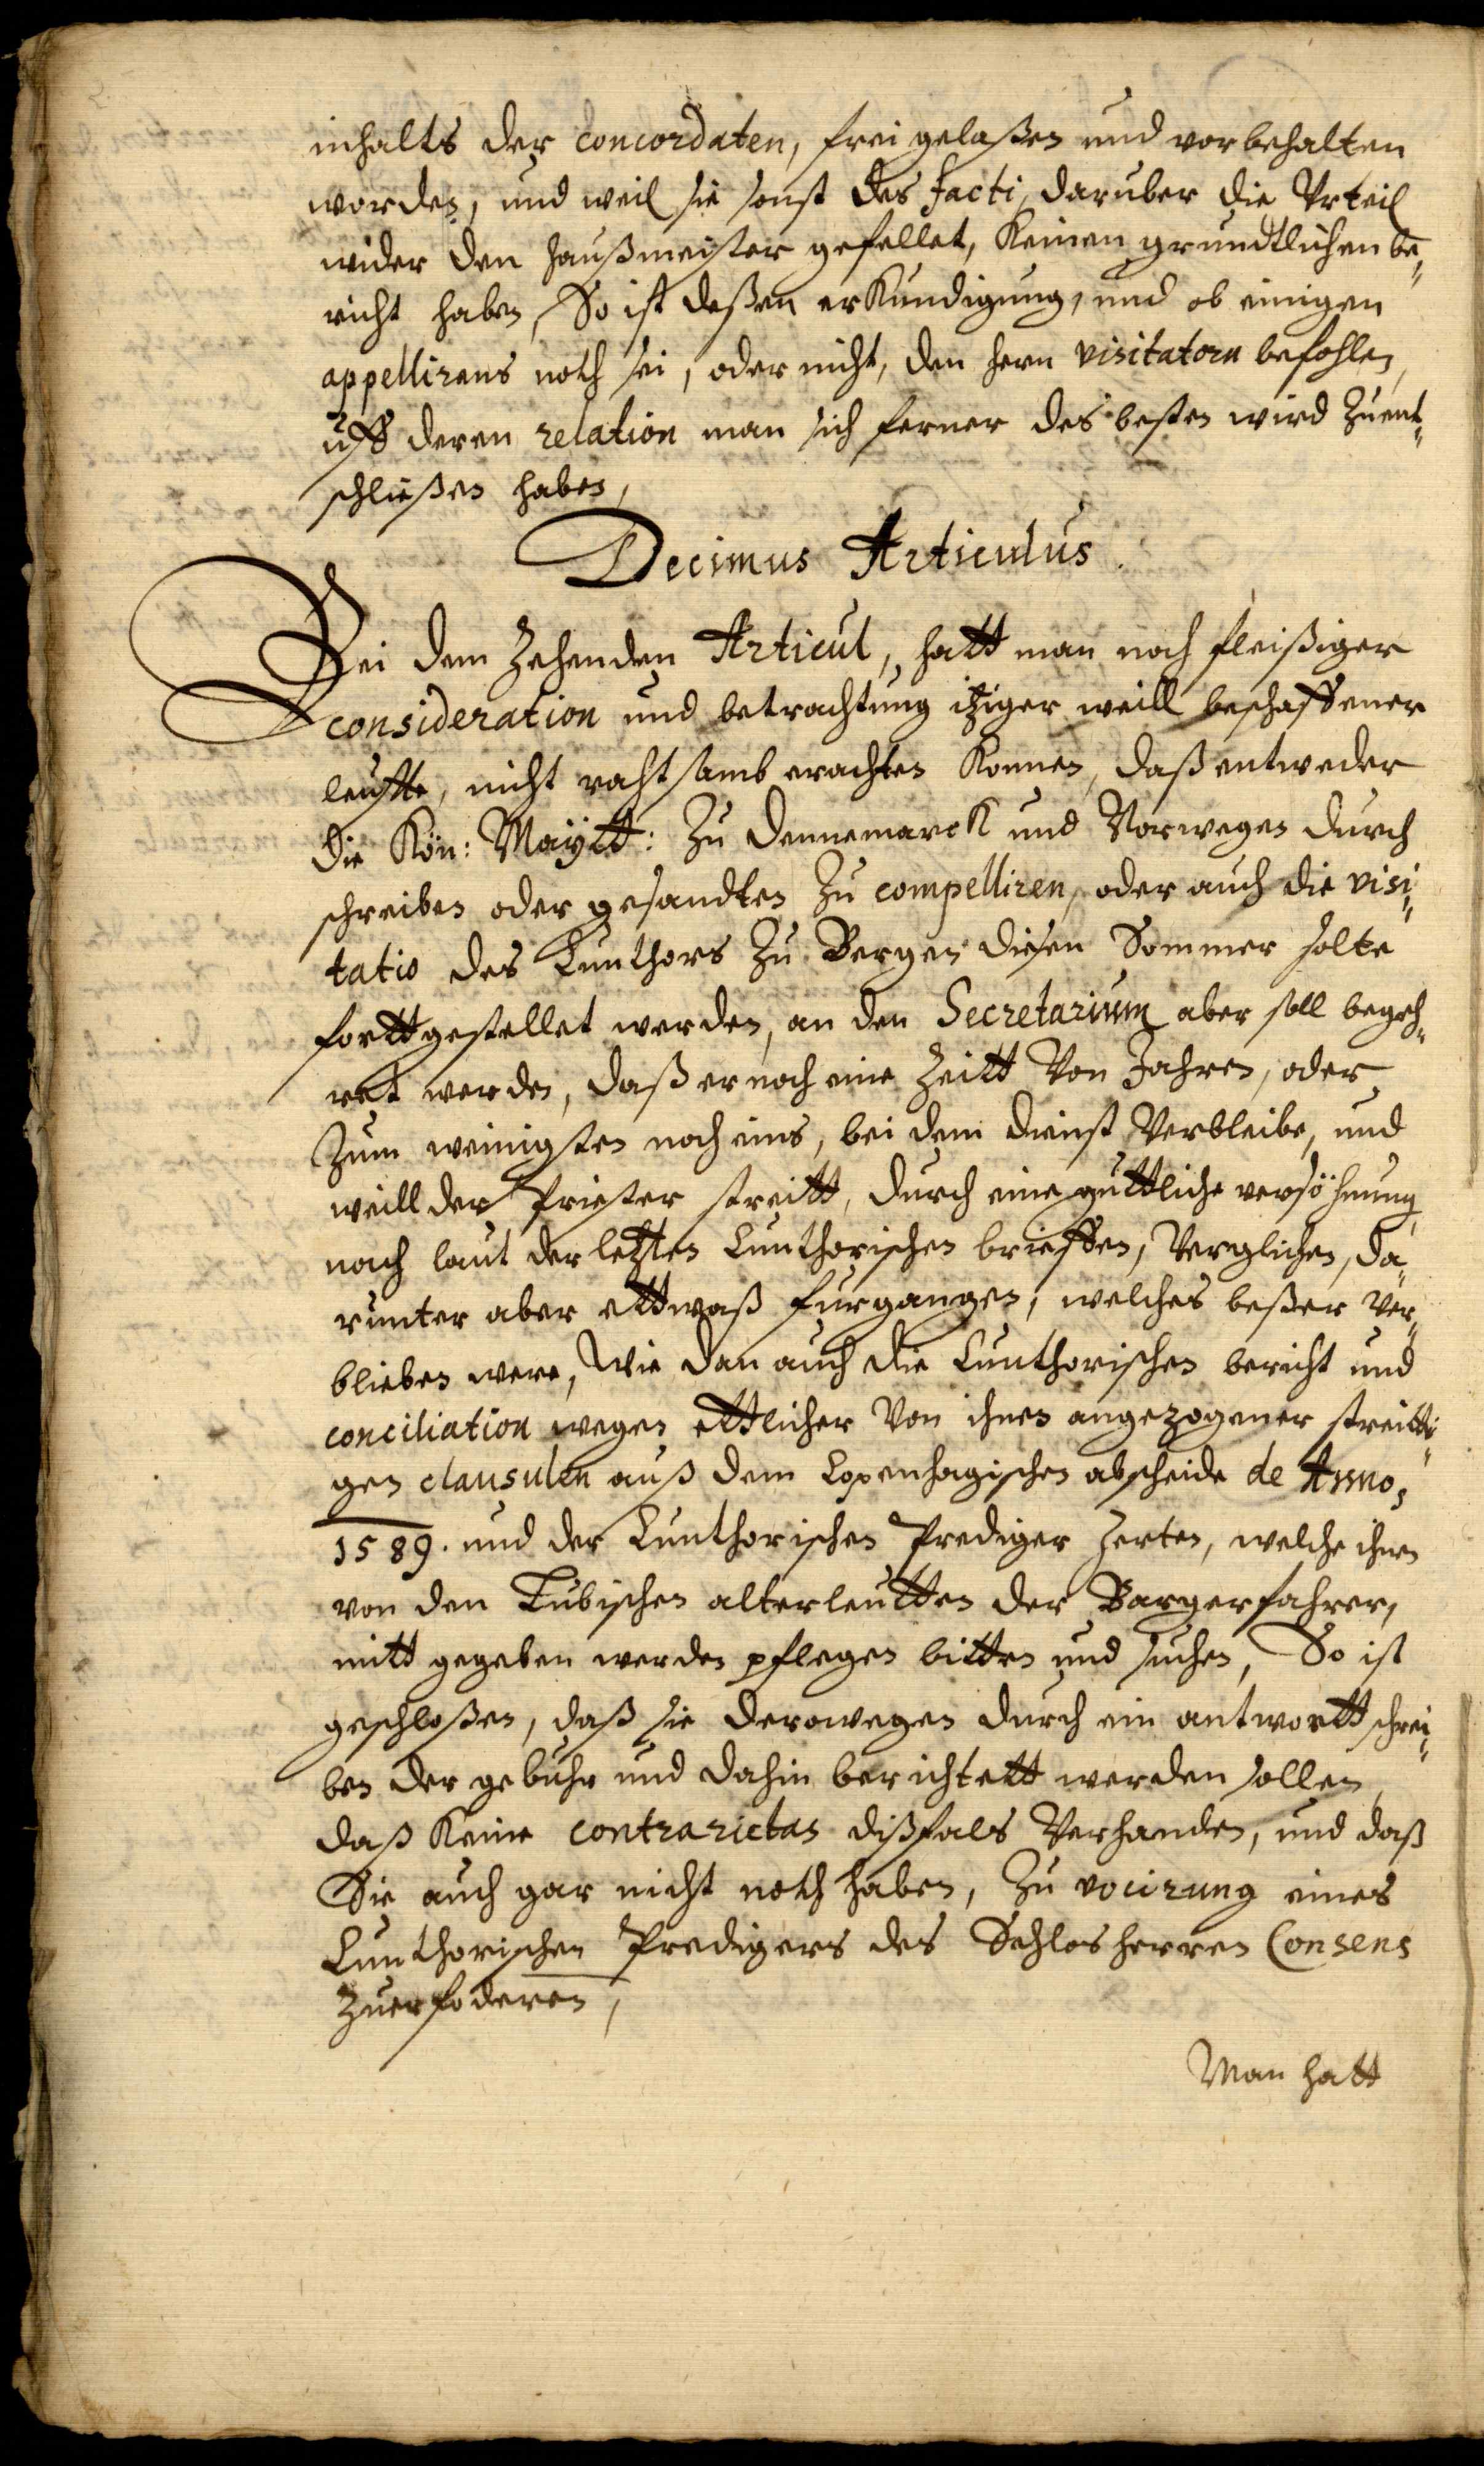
inhalts der concordaten, frei gelaßen vnd vorbehalten,
worden, und weil sie sonst des facti, daruber die Vrteil
wider den haußmeister gefellet, Keinen grundtlichen be¬
richt haben, So ist deßen erkundigung, und ob einigen
appellirens noth sei, oder nicht, den hern visitatorn befohlen,
uff deren relation man sich ferner des besten wird zuent¬
schließen haben
Decimus Articulus.
Bei dem Zehenden Articul, hatt man nah fleißiger
consideration und betrachtung itziger weill beschaffener
leuftte, nicht rahtsamb erachten konnen, daß entweder
die Kön: Maijtt: zu Dennemarck und Norwegen durch
schreiben oder gesandten zu compelliren, oder auch die visi¬
tatio des Cunthors zu Bergen diesen Sommer solte
forttgestellet werden, an den Secretarium aber soll begeh¬
ret werden, daß er noch eine Zeitt von Jahren, oder
zum weinigsten noch eins, bei dem Dienst Verbleibe, und
weill der Priester streitt, durch eine guttliche versöhnung,
nach laut der letzten Cunthorischen brieffen, Verglichen, da¬
runter aber ettwaß furgangen, welches beßer ver¬
blieben were, Wie dan auch die Cunthorischen bericht und
conciliation wegen ettlicher von ihnen angezogener streitti¬
gen clausulen auß dem Copenhagischen abscheide de Anno p
1589. und der Cunthorischen Prediger Zerten, welche ihnen
von den Lubischen alterleutten der Bargerfahrer,
mitt gegeben werden pflegen bitten und suchen, So ist
geschloßen, daß sie derowegen durch ein antworttschrei¬
ben der gebuhr und dahin berichtett werden sollen,
daß keine contrarictan dißfals Verhanden, vnd daß
Sie auch gar nicht noth haben, Zu vocirung eines
Cunthorischen Predigers des Schlos herren Consens
zuerfoderen,
Man hatt
